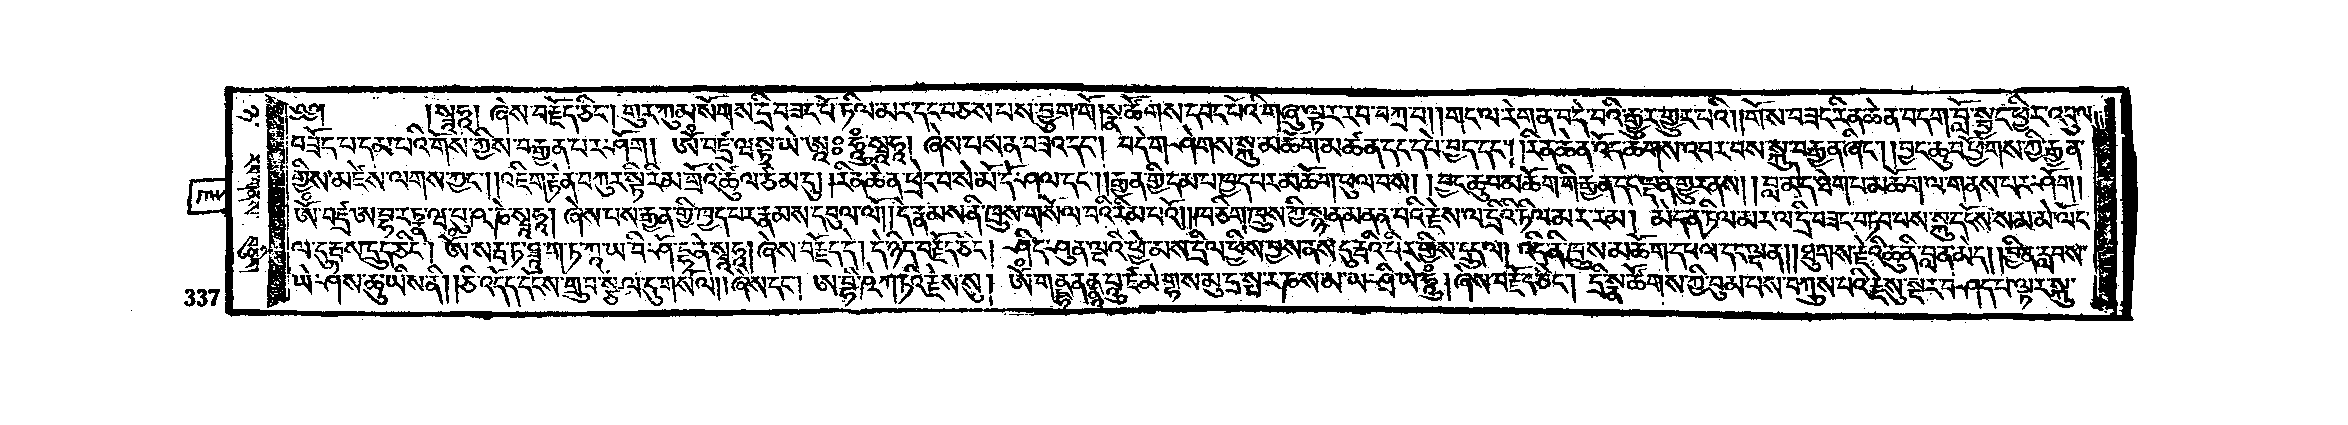༄༅། །སྭཱཧཱ། ཞེས་བརྗོད་ཅིང་། གུར་ཀུམ་སོགས་དྲི་བཟང་པོ་ཏིལ་མར་དང་བཅས་པས་བྱུག་གོ །སྣ་ཚོགས་དབང་པོའི་གཞུ་ལྟར་རབ་བཀྲ་བ། །གང་ལ་རེག་ན་བདེ་བའི་རྒྱུར་གྱུར་པའི། །གོས་བཟང་རིན་ཆེན་བདག་བློ་སྦྱང་ཕྱིར་འབུལ། །
བཟོད་པ་དམ་པའི་གོས་ཀྱིས་བརྒྱན་པར་ཤོག །ཨོཾ་བཛྲ་ཝསྟྲ་ཡེ་ཨཱཿ ཧཱུཾ་སྭཱཧཱ། ཞེས་པས་ན་བཟའ་དང་། བདེ་གཤེགས་སྐུ་མཆོག་མཚན་དང་དཔེ་བྱད་དང་། །རིན་ཆེན་འོད་ཆགས་འབར་བས་སྐུ་བརྒྱན་ཞིང་། །བྱང་ཆུབ་ཕྱོགས་ཀྱི་རྒྱན་
གྱིས་མཛེས་ལགས་ཀྱང་། །འཇིག་རྟེན་བཀུར་སྟི་རིམ་གྲོའི་ཚུལ་ཙམ་དུ། །རིན་ཆེན་ཕྲེང་བ་སེ་མོ་དོ་ཤལ་དང་། །རྒྱན་གྱི་དམ་པ་ཁྱད་པར་མཆོག་ཕུལ་བས། །བྱང་ཆུབ་མཆོག་གི་རྒྱན་དང་ལྡན་གྱུར་ནས། །བླ་མེད་ཐེག་པ་མཆོག་ལ་གནས་པར་ཤོག །
ཨོཾ་བཛྲ་ཨ་བྷ་རཏྣ་ཝ་པུ་ཥ་ཎེ་སྭཱཧཱ། ཞེས་པས་རྒྱན་གྱི་ཁྱད་པར་རྣམས་དབུལ་ལོ། །དེ་རྣམས་ནི་ཁྲུས་གསོལ་བའི་རིམ་པའོ། །ཁ་ཅིག་ཁྲུས་ཀྱི་སྙན་མནན་པའི་རྗེས་ལ་དྲིའི་ཏིལ་མར་རམ། མེད་ན་ཏིལ་མར་ལ་དྲི་བཟང་བཏབ་པས་སྐུ་དངོས་སམ་མེ་ལོང་
ལ་དུརྦས་དྲུད་ཅིང་། ཨོཾ་སརྦ་ཏ་ཐཱ་གཏ་ཀཱ་ཡ་བི་ཤོ་དྷ་ནེ་སྭཱཧཱ། ཞེས་བརྗོད་དེ། དེ་ཉིད་བརྗོད་ཅིང་། ཤིད་ཤུན་ལྔའི་ཕྱེ་མས་དྲིལ་ཕྱིས་བྱས་ནས་དུརྦའི་པིར་གྱིས་དྲུད་ལ། འདི་ནི་ཁྲུས་མཆོག་དཔལ་དང་ལྡན། །ཐུགས་རྗེའི་ཆུ་ནི་བླ་ན་མེད། །བྱིན་རླབས་
ཡེ་ཤེས་ཆུ་ཡིས་ནི། །ཅི་འདོད་དངོས་གྲུབ་སྩལ་དུ་གསོལ། །ཞེས་དང་། ཨ་བྷི་ཥེ་ཀ་ཏའི་རྗེས་སུ། ཨོཾ་གནྡྷ་ནནྣཱ་པཱུ་ཛ་མེ་གྷ་ས་མུ་དྲ་སྤ་ར་ཎ་ས་མ་ཡ་ཤྲི་ཡེ་ཧཱུཾ། ཞེས་བརྗོད་ཅིང་། དྲི་སྣ་ཚོགས་ཀྱི་བུམ་པས་བཀྲུས་པའི་རྗེས་སུ་སྔར་བཤད་པ་ལྟར་སྐུ་